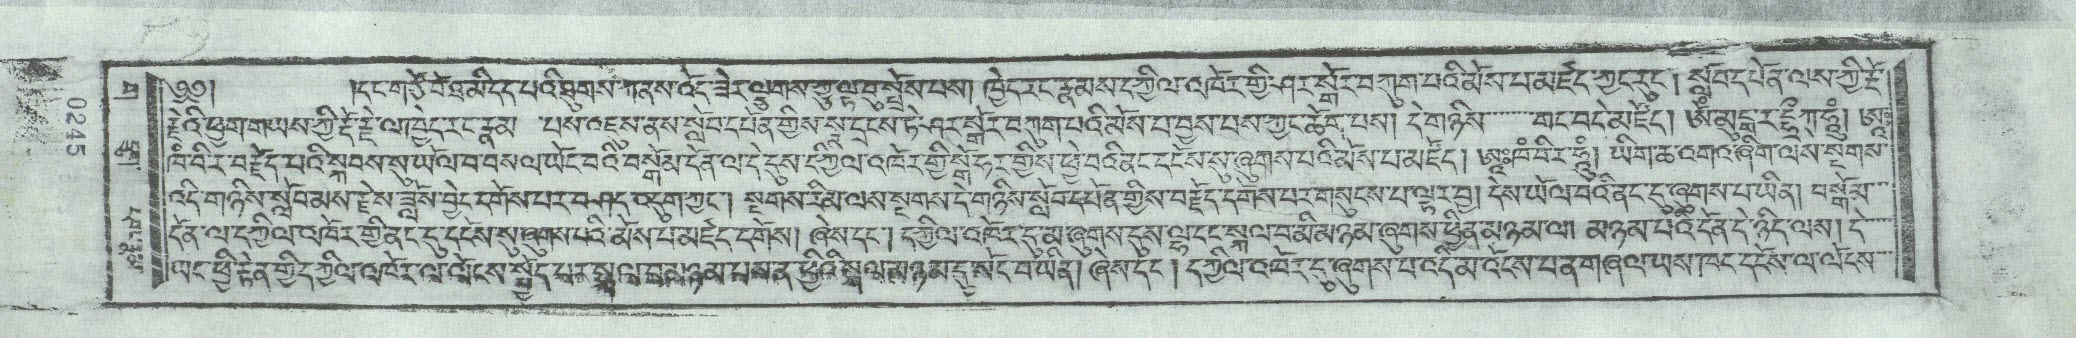༄༅། །དང་གཙོ་བོ་ཐ་མི་དད་པའི་ཐུགས་ཀ་ནས་འོད་ཟེར་ལྕགས་ཀྱུ་ལྟ་བུ་སྤྲོས་པས། ཁྱེད་རང་རྣམས་དཀྱིལ་འཁོར་གྱི་ཤར་སྒོར་བཀུག་པའི་མོས་པ་མཛད་ཀྱང་རུང་། སློབ་དཔོན་ལས་ཀྱི་རྡོ་
རྗེའི་ཕྱག་གཡས་ཀྱི་རྡོ་རྗེ་ལ་ཁྱེད་རང་རྣམ་པས་འཇུས་ནས་སློབ་དཔོན་གྱིས་སྣ་དྲངས་ཏེ་ཤར་སྒོར་བཀུག་པའི་མོས་པ་བྱས་པས་ཀྱང་ཆོག་པས། དེ་གཉིས་གང་བདེ་མཛོད། ཨོཾ་མུདག་ར་དྷྲྀཀ་ཧཱུཾ། ཨཱཿ
ཁཾ་བི་ར་བརྗོད་པའི་སྐབས་སུ་ཡོལ་བ་བསལ་ཡོང་བའི་བསྒོམ་དོན་ལ་དེ་དུས་དཀྱིལ་འཁོར་གྱི་སྒོ་ཧར་གྱིས་ཕྱེ་བའི་ནང་དངོས་སུ་ཞུགས་པའི་མོས་པ་མཛོད། ཨཱཿཁཾ་བི་ར་ཧཱུཾ། ཡིག་ཆ་འགའ་ཞིག་ལས་སྔགས་
འདི་གཉིས་སློབ་མས་རྗེས་ཟློས་བྱེད་དགོས་པར་བཤད་འདུག་ཀྱང་། སྔགས་རིམ་ལས་སྔགས་དེ་གཉིས་སློབ་དཔོན་གྱིས་བརྗོད་དགོས་པར་གསུངས་པ་ལྟར་བྱ། དེས་ཡོལ་བའི་ནང་དུ་ཞུགས་པ་ཡིན། བསྒོམ་
དོན་ལ་དཀྱིལ་འཁོར་གྱི་ནང་དུ་དངོས་སུ་ཞུགས་པའི་མོས་པ་མཛད་དགོས། ཞེས་དང་། དཀྱིལ་འཁོར་དུ་མ་ཞུགས་དུས་ལྷ་དང་སྐལ་བ་མི་མཉམ་ཞུགས་ཕྱིན་མཉམ་ལ། མཉམ་པའི་དོན་དེ་ཉིད་ལས། དེ་
ཡང་ཕྱི་རྟེན་གྱི་དཀྱིལ་འཁོར་ལ་ལོངས་སྤྱོད་པར་སྐལ་བ་མཉམ་པས་ན་ཕྱིའི་སྐལ་མཉམ་དུ་སོང་བ་ཡིན། ཞེས་དང་། དཀྱིལ་འཁོར་དུ་ཞུགས་པ་འདི་མ་འོངས་པ་ན་གཞལ་ཡས་ཁང་དངོས་ལ་ལོངས་